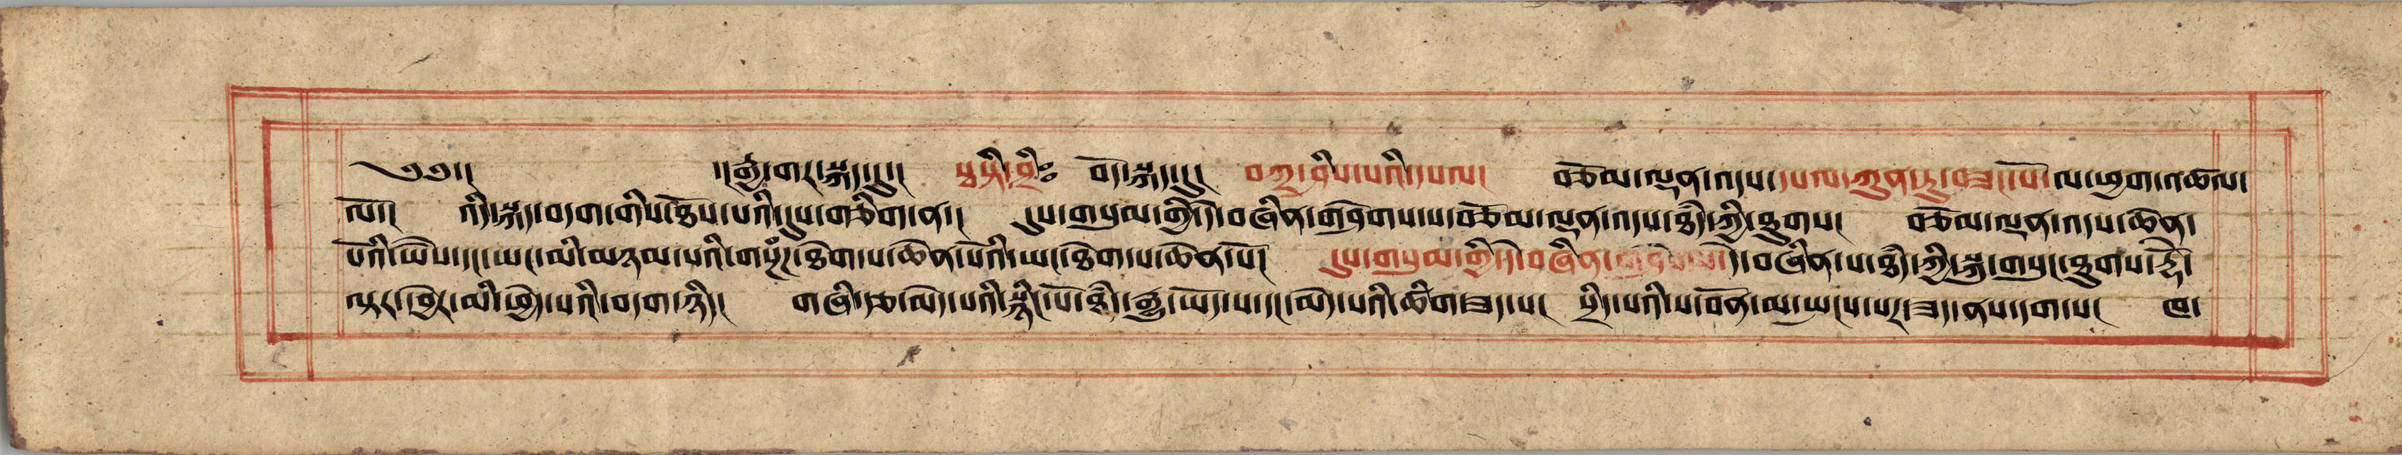༄༅་། ད། རྒྱ་གར་སྐད་དུ་། སྭསྟི་ཤྲིཿ བོད་སྐད་དུ་། བཀྲ་ཤིས་པའི་དཔལ་ བཅོམ་ལྡན་འདས་དཔལ་ཀུན་ཏུ་བཟང་པོ་ལ་ཕྱག་འཚལ་
ལོ་། འདི་སྐད་བདག་གིས་ཐོས་པའི་དུས་གཅིག་ན་། དུས་གསུམ་གྱི་དེ་བཞིན་གཤེགས་པ་བཅོམ་ལྡན་འདས་ཐཾད་ཀྱི་ཐུགས། བཅོམ་ལྡན་འདས་ཆེན་
པོའི་ཡཻས་དང་ཡང་མི་མཉམ་པའི་གསྔཾཌ་ཐེག་པ་ཆེན་པོའི་ཡང་ཐེག་པ་ཆེན་པོ། དུས་གསུམ་གྱི་དེ་བཞིན་གཤེཌ་པ་དེ་བཞིན་པ་ཐཾད་ཀྱི་སྐུ་གསུང་ཐུགས་རྡོེ་
ལྟར་དབྱེར་མི་ཕྱེད་པའི་བདག་ཉིད་། གཞི་རྩ་མེད་པའི་སྙིང་པོ་ཐཾད་རྒྱུད་ཡོད་པ་དང་མེད་པའི་ཚིག་ཟད་པ། སྲིད་པའི་ས་བོན་མ་སྤངས་པར་ཟད་ནས་དག་པ། ཁ་